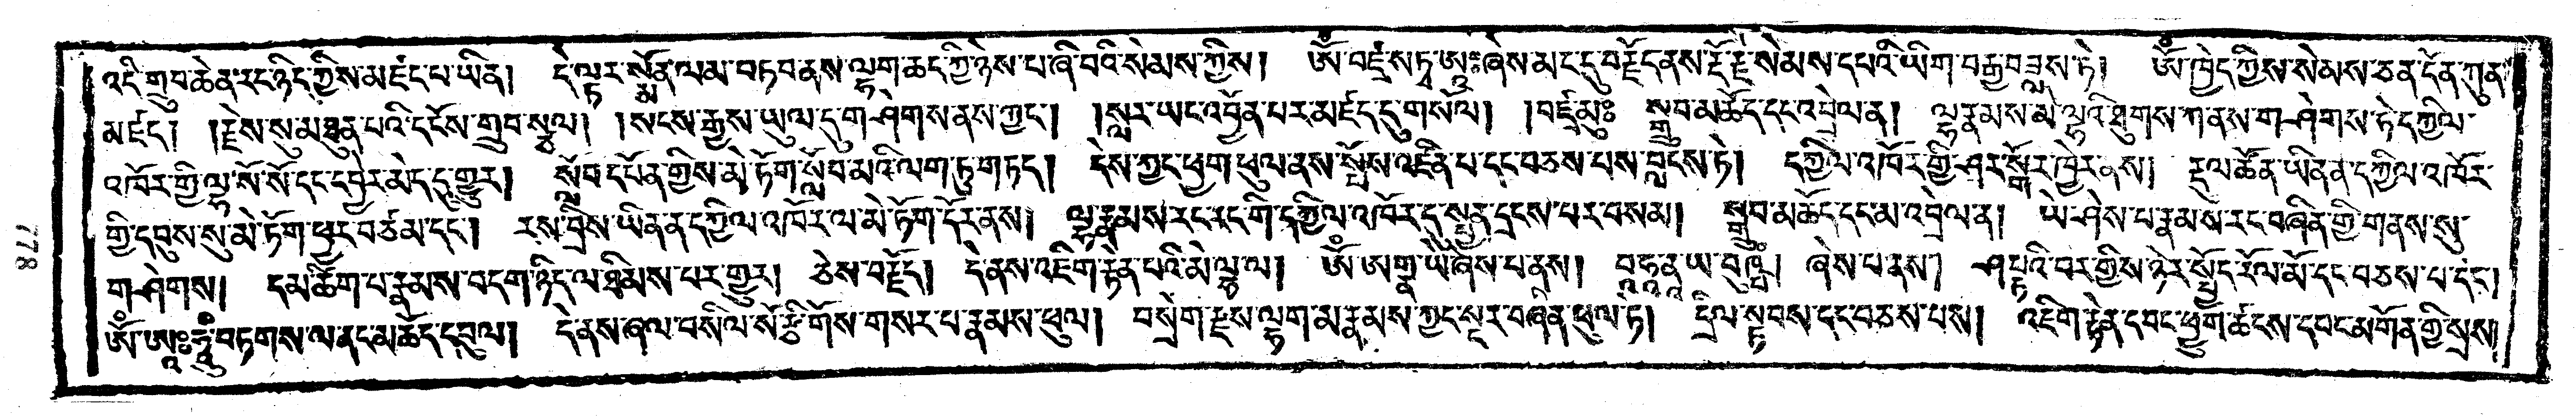འདི་གྲུབ་ཆེན་རང་ཉིད་ཀྱིས་མཛད་པ་ཡིན། དེ་ལྟར་སྨོན་ལམ་བཏབ་ནས་ལྷག་ཆད་ཀྱི་ཉེས་པ་ཞི་བའི་སེམས་ཀྱིས། ཨོཾ་བཛྲ་སྟྭ་ཨཱཿཞེས་མང་དུ་བརྗོད་ནས་རྡོ་རྗེ་སེམས་དཔའི་ཡིག་བརྒྱ་བཟླས་ཏེ། ཨོཾ་ཁྱེད་ཀྱིས་སེམས་ཅན་དོན་ཀུན་
མཛད། །རྗེས་སུ་མཐུན་པའི་དངོས་གྲུབ་སྩལ། །སངས་རྒྱས་ཡུལ་དུ་གཤེགས་ནས་ཀྱང་། །སླར་ཡང་འབྱོན་པར་མཛད་དུ་གསོལ། །བཛྲ་མུཿ སྒྲུབ་མཆོད་དང་འབྲེལ་ན། ལྷ་རྣམས་མེ་ལྷའི་ཐུགས་ཀ་ནས་གཤེགས་ཏེ་དཀྱིལ་
འཁོར་གྱི་ལྷ་སོ་སོ་དང་དབྱེར་མེད་དུ་གྱུར། སློབ་དཔོན་གྱིས་མེ་ཏོག་སློབ་མའི་ལག་ཏུ་གཏད། དེས་ཀྱང་ཕྱག་ཕུལ་ནས་སྤོས་འཛིན་པ་དང་བཅས་པས་བླངས་ཏེ། དཀྱིལ་འཁོར་གྱི་ཤར་སྒོར་ཁྱེར་ནས། རྡུལ་ཚོན་ཡིན་ན་དཀྱིལ་འཁོར་
གྱི་དབུས་སུ་མེ་ཏོག་ཕྱར་བཙམ་དང་། རས་བྲིས་ཡིན་ན་དཀྱིལ་འཁོར་ལ་མེ་ཏོག་དོར་ནས། ལྷ་རྣམས་རང་རང་གི་དཀྱིལ་འཁོར་དུ་སྤྱན་དྲངས་པར་བསམ། སྒྲུབ་མཆོད་དང་མ་འབྲེལ་ན། ཡེ་ཤེས་པ་རྣམས་རང་བཞིན་གྱི་གནས་སུ་
གཤེགས། དམ་ཚིག་པ་རྣམས་བདག་ཉིད་ལ་ཐིམས་པར་གྱུར། ཅེས་བརྗོད། དེ་ནས་འཇིག་རྟེན་པའི་མེ་ལྷ་ལ། ཨོཾ་ཨགན་ཡེ་ཞེས་པ་ནས། བཱཧཱ་ནཱ་ཡ་བུཁྤཾ། ཞེས་པ་ནས། ཤཔྟའི་བར་གྱིས་ཉེར་སྤྱོད་རོལ་མོ་དང་བཅས་པ་དང་།
ཨོཾ་ཨཱཿཧཱུཾ་བཏགས་ལ་ནང་མཆོད་དབུལ། དེ་ནས་ཞལ་བསིལ་སོ་རྩི་གོས་གསར་པ་རྣམས་ཕུལ། བསྲེག་རྫས་ལྷག་མ་རྣམས་ཀྱང་སྔར་བཞིན་ཕུལ་ཏེ། དྲིལ་སྟབས་དང་བཅས་པས། འཇིག་རྟེན་དབང་ཕྱུག་ཚངས་དབང་མགོན་གྱི་སྲས།